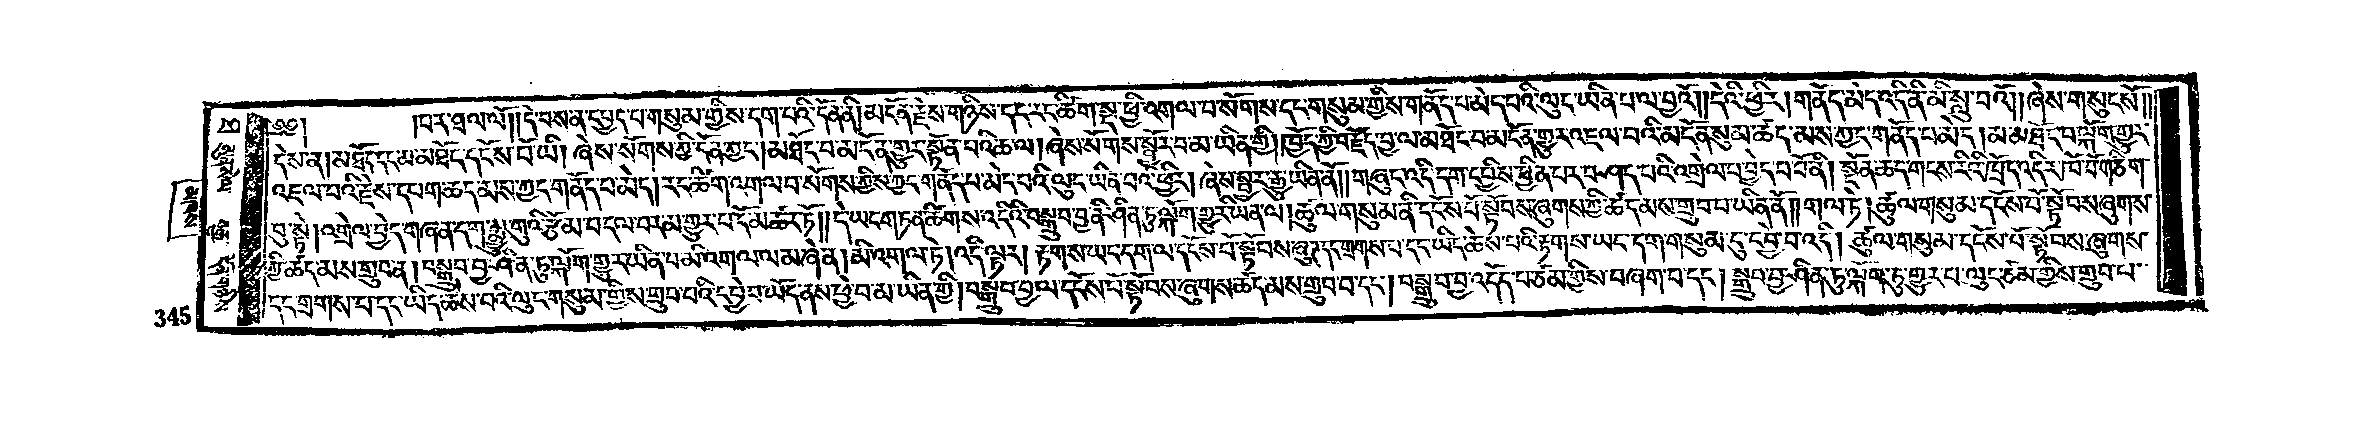༄༅། །པར་ཐལ་ལོ། །དེ་བས་ན་དཔྱད་པ་གསུམ་གྱིས་དག་པའི་དོན་ནི། མངོན་རྗེས་གཉིས་དང་རང་ཚིག་སྔ་ཕྱི་འགལ་བ་སོགས་དང་གསུམ་གྱིས་གནོད་པ་མེད་པའི་ལུང་ཡིན་པ་ལ་བྱའོ། །དེའི་ཕྱིར། གནོད་མེད་འདི་ནི་མི་སླུ་བའོ། །ཞེས་གསུངས་སོ། །
དེས་ན། མཐོང་དང་མ་མཐོང་དངོས་པོ་ཡི། ཞེས་སོགས་ཀྱི་དོན་ཀྱང་། མཐོང་བ་མངོན་གྱུར་སྟོན་པའི་ཆ་ལ། ཞེས་སོགས་སྦྱོར་བ་མ་ཡིན་གྱི། ཁྱོད་ཀྱི་བརྗོད་བྱ་ལ་མཐོང་བ་མངོན་གྱུར་འཇལ་བའི་མངོན་སུམ་ཚད་མས་ཀྱང་གནོད་པ་མེད། མ་མཐོང་བ་ལྐོག་གྱུར་
འཇལ་བའི་རྗེས་དཔག་ཚད་མས་ཀྱང་གནོད་པ་མེད། རང་ཚིག་འགལ་བ་སོགས་ཀྱིས་ཀྱང་གནོད་པ་མེད་པའི་ལུང་ཡིན་པའི་ཕྱིར། ཞེས་སྦྱར་རྒྱུ་ཡིན་ནོ། །གཞུང་འདི་དག་དཔྱིས་ཕྱིན་པར་བཤད་པའི་འགྲེལ་པ་བྱེད་པ་པོ་ནི། སྔོན་ཆད་གངས་རིའི་ཁྲོད་འདིར་ཁོ་བོ་གཅིག་
བུ་སྟེ། འགྲེལ་བྱེད་གཞན་དག་སྨྱུ་གུའི་རྩོམ་པ་ངལ་བར་མ་གྱུར་པ་ངོ་མཚར་ཏོ། །དེ་ཡང་གཏན་ཚིགས་འདིའི་བསྒྲུབ་བྱ་ནི་ཤིན་ཏུ་ལྐོག་གྱུར་ཡིན་ལ། ཚུལ་གསུམ་ནི་དངོས་པོ་སྟོབས་ཞུགས་ཀྱི་ཚད་མས་གྲུབ་པ་ཡིན་ནོ། །གལ་ཏེ། ཚུལ་གསུམ་དངོས་པོ་སྟོབས་ཞུགས་
ཀྱི་ཚད་མས་གྲུབ་ན། བསྒྲུབ་བྱ་ཤིན་ཏུ་ལྐོག་གྱུར་ཡིན་པ་མི་འགལ་ལམ་ཞེ་ན། མི་འགལ་ཏེ། འདི་ལྟར། རྟགས་ཡང་དག་ལ་དངོས་པོ་སྟོབས་ཞུགས་དང་གྲགས་པ་དང་ཡིད་ཆེས་པའི་རྟགས་ཡང་དག་གསུམ་དུ་དབྱེ་བ་འདི། ཚུལ་གསུམ་དངོས་པོ་སྟོབས་ཞུགས་
དང་གྲགས་པ་དང་ཡིད་ཆེས་པའི་ལུང་གསུམ་གྱིས་གྲུབ་པའི་དབྱེ་བ་ཡོད་ནས་ཕྱེ་བ་མ་ཡིན་གྱི། བསྒྲུབ་བྱ་ལ་དངོས་པོ་སྟོབས་ཞུགས་ཚད་མས་གྲུབ་པ་དང་། བསྒྲུབ་བྱ་འདོད་པ་ཙམ་གྱིས་བཞག་པ་དང་། སྒྲུབ་བྱ་ཤིན་ཏུ་ལྐོག་ཏུ་གྱུར་པ་ལུང་ཙམ་གྱིས་གྲུབ་པ་